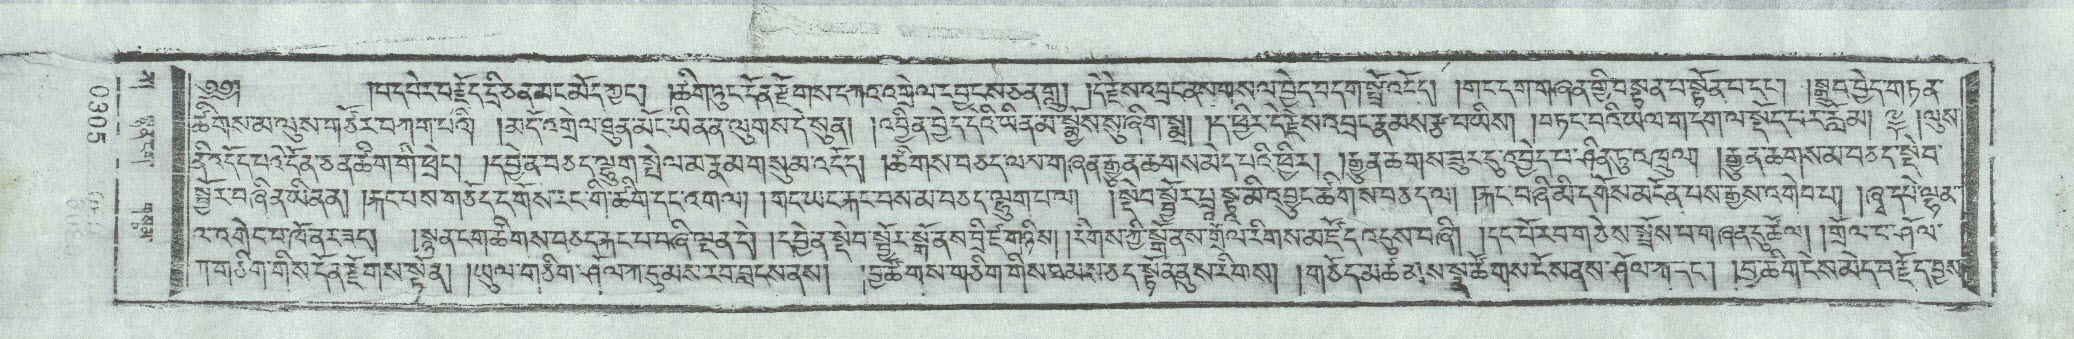༄༅། །པ་དཔེར་བརྗོད་དྲི་ཅན་མང་མོད་ཀྱང་། །ཚིག་ཉུང་དོན་རྫོགས་དཀའ་འགྲེལ་དབྱངས་ཅན་གླུ། །དེ་རྗེས་འབྲང་ནས་གསལ་བྱེད་བདག་སྤྲོ་འདོད། །གང་དག་གཞན་གྱི་བསྟན་བསྟོན་པ་དང་། །སྒྲུབ་བྱེད་གཏན་
ཚིགས་མ་ལུས་གཙོར་བཀག་པའི། །མདོ་འགྲེལ་ཐུན་མོང་ཡིན་ན་ལུགས་དེ་སུན། །འབྱིན་བྱེད་དེའི་ཡིན་མ་སྨྱོས་སུ་ཞིག་སྨྲ། །ད་ཕྱིར་དེ་རྗེས་འབྲང་རྣམས་རྩ་བ་ཡིས། །བཏང་བའི་ཡ་ལག་དག་ལ་སྡོད་པར་རློམ། ༈ །ལུས་
ནི་འདོད་པའི་དོན་ཅན་ཚིག་གི་ཕྲེང་། །དབྱེ་ན་བཅད་ལྷུག་སྤེལ་མ་རྣམ་གསུམ་འདོད། །ཚིགས་བཅད་ལས་གཞན་རྒྱུན་ཆགས་མེད་པའི་ཕྱིར། །རྒྱུན་ཆགས་ཟུར་དུ་འབྱེད་པ་ཤིན་ཏུ་འཁྲུལ། །རྒྱུན་ཆགས་མ་བཅད་སྡེབ་
སྦྱོར་བཞིན་ཡིན་ན། །རྐང་པས་གཅོད་དགོས་རང་གི་ཚིག་དང་འགལ། །གང་ཡང་རྐང་བས་མ་བཅད་ལྷུག་པ་ལ། །སྡེབ་སྦྱོར་པྲཱ་སྟཱ་མི་འབྱུང་ཚིགས་བཅད་ལ། །རྐང་བཞི་མི་དགོས་མངོན་པས་རྒྱས་འགེབ་པ། ཁ་དཔེ་ལྷན་
ལ་འགེབ་བ་ཁོ་ནར་ཟད། །སྙན་ངག་ཚིགས་བཅས་རྐང་པ་བཞི་ལྡན་དེ། །དབྱེ་སྡེབ་སྦྱོར་སྐོ་ནས་བྲི་ཛ་གཉིས། །རིགས་ཀྱི་སྒོ་ནས་གྲོལ་རིགས་མཛོད་འདུས་བཞི། །དང་པོ་རབ་གཅེས་སྤྲོས་བ་གཞན་དུ་ཚོལ། །གྲོལ་བ་ཤོལ་
ཀ་གཅིག་གིས་དོན་རྫོགས་སྟོན། །ཡུལ་གཅིག་ཤོལ་ཀ་དུ་མས་རབ་བླངས་ནས། །བྱ་ཚིགས་གཅིག་གིས་ཐམས་ཅད་སྟོན་ནུས་རིགས། །གཅོད་མཚམས་སྣ་ཚོགས་ངོས་ནས་ཤོལ་ཀ་དང་། །བྱ་ཆིག་ངེས་མེད་བརྗོད་བྱས་